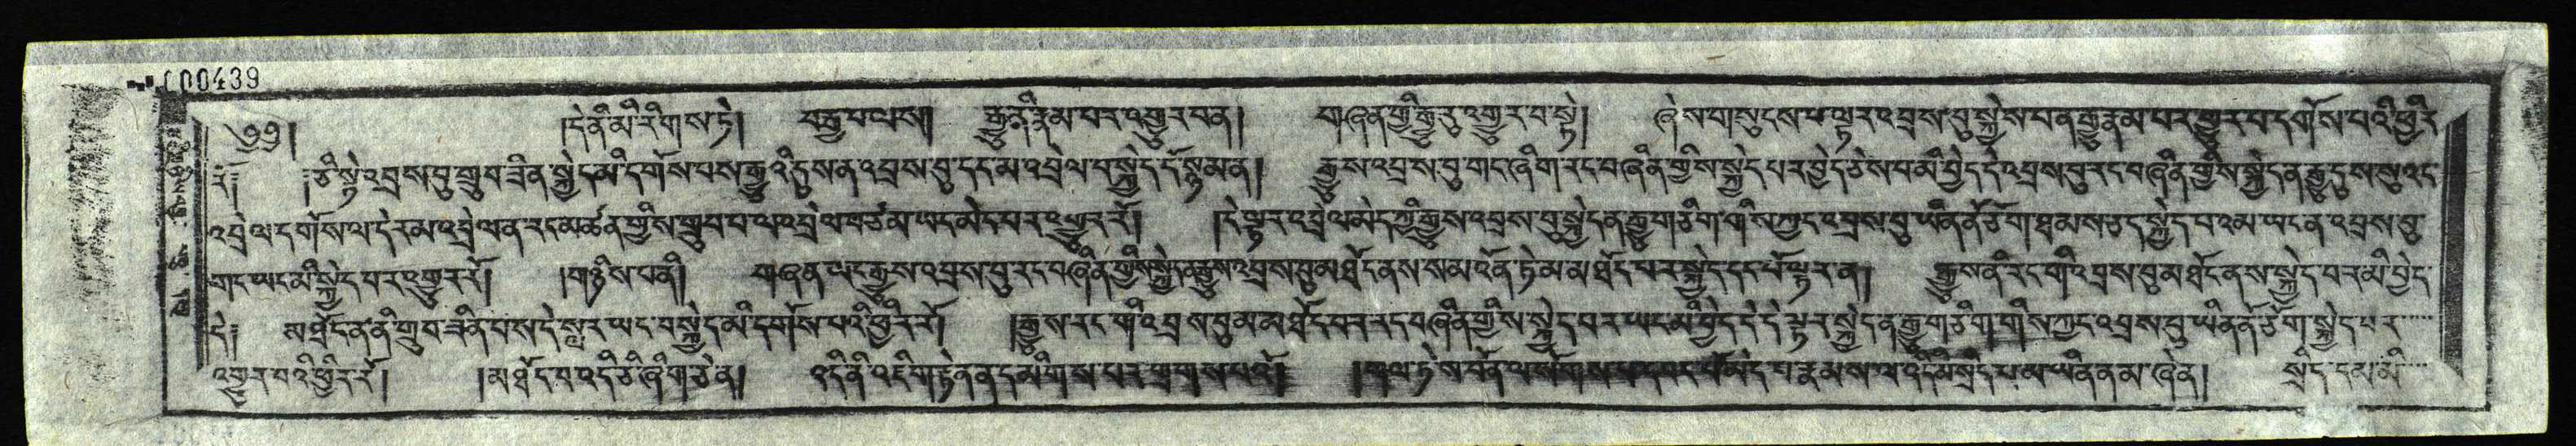༄༅། །དེ་ནི་མི་རིགས་ཏེ། བརྒྱ་པ་ལས། རྒྱུ་ནི་རྣམ་པར་འགྱུར་བ་ན། གཞན་གྱི་རྒྱུ་རུ་འགྱུར་བ་སྟེ། ཞེས་གསུངས་པ་ལྟར་འབྲས་བུ་སྐྱེས་པ་ན་རྒྱུ་རྣམ་པར་གྱུར་པ་དགོས་པའི་ཕྱིར་
རོ༑ ༑ཅི་སྟེ་འབྲས་བུ་གྲུབ་ཟིན་སྐྱེད་མི་དགོས་པས་རྒྱུའི་དུས་ན་འབྲས་བུ་དང་མ་འབྲེལ་བ་སྐྱེད་དོ་སྙམ་ན། རྒྱུས་འབྲས་བུ་གང་ཞིག་རང་བཞིན་གྱིས་སྐྱེད་པར་བྱེད་ཅེས་པ་མི་བྱེད་དེ་འབྲས་བུ་རང་བཞིན་གྱིས་སྐྱེད་ན་རྒྱུ་དུས་སུའང་
འབྲེལ་དགོས་ལ་དེར་མ་འབྲེལ་ན་རང་མཚན་གྱིས་གྲུབ་པ་ལ་འབྲེལ་བ་ཙམ་ཡང་མེད་པར་འགྱུར་རོ། །དེ་ལྟར་འབྲེལ་མེད་ཀྱི་རྒྱུས་འབྲས་བུ་སྐྱེད་ན་རྒྱུ་གཅིག་གིས་ཀྱང་འབྲས་བུ་ཡིན་ནོ་ཅོག་ཐམས་ཅད་སྐྱེད་པ་འམ་ཡང་ན་འབྲས་བུ་
གང་ཡང་མི་སྐྱེད་པར་འགྱུར་རོ། །གཉིས་པ་ནི། གཞན་ཡང་རྒྱུས་འབྲས་བུ་རང་བཞིན་གྱིས་སྐྱེད་ན་རྒྱུས་འབྲས་བུ་མཐོང་ནས་སམ་འོན་ཏེ་མ་མཐོང་པར་སྐྱེད་དང་པོ་ལྟར་ན། རྒྱུས་ནི་རང་གི་འབྲས་བུ་མཐོང་ནས་སྐྱེད་བར་མི་བྱེད་
དེ༑ མཐོང་ན་ནི་གྲུབ་ཟིན་པས་དེ་སླར་ཡང་བསྐྱེད་མི་དགོས་པའི་ཕྱིར་རོ། །རྒྱུས་རང་གི་འབྲས་བུ་མ་མཐོང་བར་རང་བཞིན་གྱིས་སྐྱེད་པར་ཡང་མི་བྱེད་དེ་དེ་ལྟར་སྐྱེད་ན་རྒྱུ་གཅིག་གིས་ཀྱང་འབྲས་བུ་ཡིན་ནོ་ཅོག་སྐྱེད་པར་
འགྱུར་བའི་ཕྱིར་རོ། །མཐོང་བ་འདི་ཅི་ཞིག་ཅེ་ན། འདི་ནི་འཇིག་རྟེན་ན་དམིགས་པར་གྲགས་པའོ། །གལ་ཏེ་ས་བོན་ལ་སོགས་པ་དབང་པོ་མེད་པ་རྣམས་ལ་འདི་མི་སྲིད་པ་མ་ཡིན་ནམ་ཞེ་ན། སྲིད་དམ་མི་